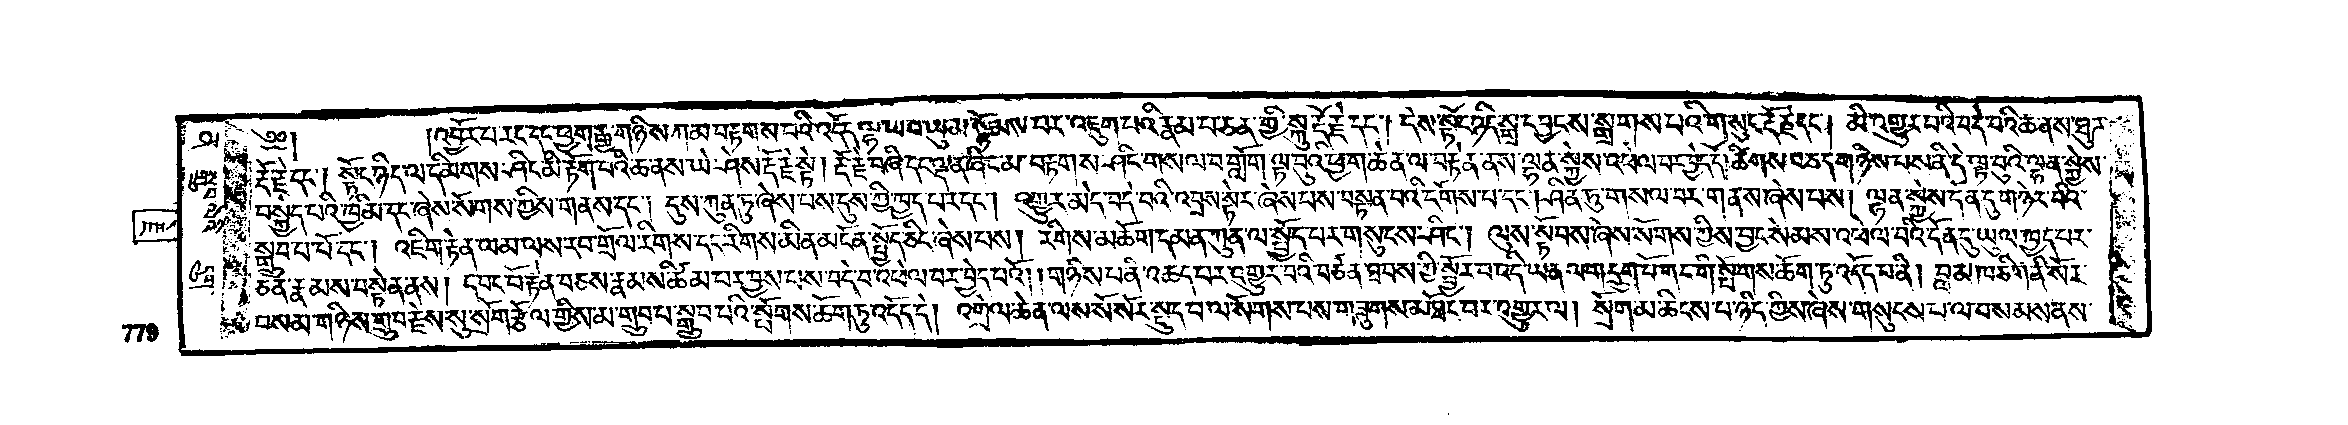༄༅། །འབྱོར་པ་རང་དང་ཕྱག་རྒྱ་གཉིས་ཀ་མ་བརྟགས་པའི་འདོད་ལྷ་བབ་དུ་མ་སྟོངས་པར་འཇུག་པའི་རྣམ་པ་ཅན་གྱི་སྐུ་རྡོ་རྗེ་དང་། དེས་སྟོང་ཉིད་སྒྲ་དབྱངས་སྒྲགས་པའི་གསུང་རྡོ་རྗེ་དང་། མི་འགྱུར་བའི་བདེ་བའི་ཆ་ནས་ཐུགས་
རྡོ་རྗེ་དང་། སྟོང་ཉིད་ལ་དམིགས་ཤིང་མི་རྟོག་པའི་ཆ་ནས་ཡེ་ཤེས་རྡོ་རྗེ་སྟེ། རྡོ་རྗེ་བཞི་དང་ལྡན་ཞིང་མ་བརྟགས་ཤིང་གསལ་བ་གློག་ལྟ་བུའི་ཕྱག་ཆེན་ལ་བརྟེན་ནས་ལྷན་སྐྱེས་འཕེལ་བར་བྱེད་དོ། །ཚིགས་བཅད་གཉིས་པས་ནི་དེ་ལྟ་བུའི་ལྷན་སྐྱེས་
བསྐྱེད་པའི་ཁྱིམ་དང་ཞེས་སོགས་ཀྱིས་གནས་དང་། དུས་ཀུན་ཏུ་ཞེས་པས་དུས་ཀྱི་ཁྱད་པར་དང་། འགྱུར་མེད་བདེ་བའི་འབྲས་སྟེར་ཞེས་པས་བསྟན་པའི་དགོས་པ་དང་། ཤིན་ཏུ་གསལ་བར་གནས་ཞེས་པས། ལྷན་སྐྱེས་དོན་དུ་གཉེར་བའི་
སྒྲུབ་པ་པོ་དང་། འཇིག་རྟེན་ལམ་ལས་རབ་གྲོལ་རིགས་དང་རིགས་མིན་མངོན་སྤྱོད་ཅིང་ཞེས་པས། རིགས་མཆོག་དམན་ཀུན་ལ་སྤྱོད་པར་གསུངས་ཤིང་། ལུས་སྟོབས་ཞེས་སོགས་ཀྱིས་བྱང་སེམས་འཕེལ་བའི་དོན་དུ་ཡུལ་ཁྱད་པར་
ཅན་རྣམས་བསྟེན་ནས། དབང་པོ་རྟེན་བཅས་རྣམས་ཚིམ་པར་བྱས་པས་བདེ་བ་འཕེལ་བར་བྱེད་པའོ། །གཉིས་པ་ནི་འཆད་པར་འགྱུར་བའི་བཙན་ཐབས་ཀྱི་སྦྱོར་བ་འདི་ཡན་ལག་དྲུག་པོ་གང་གི་སྤོགས་ཆོག་ཏུ་འདོད་པ་ནི། བླ་མ་ཁ་ཅིག་ནི་སོར་
བསམ་གཉིས་གྲུབ་རྗེས་སུ་སྲོག་རྩོལ་གྱིས་མ་གྲུབ་པ་སྒྲུབ་པའི་སྤོགས་ཆོག་ཏུ་འདོད་དེ། འགྲེལ་ཆེན་ལས་སོ་སོར་སྡུད་པ་ལ་སོགས་པས་གཟུགས་མཐོང་བར་འགྱུར་ལ། སྲོག་མ་ཆིངས་པ་ཉིད་ཀྱིས་ཞེས་གསུངས་པ་ལ་བསམས་ནས་